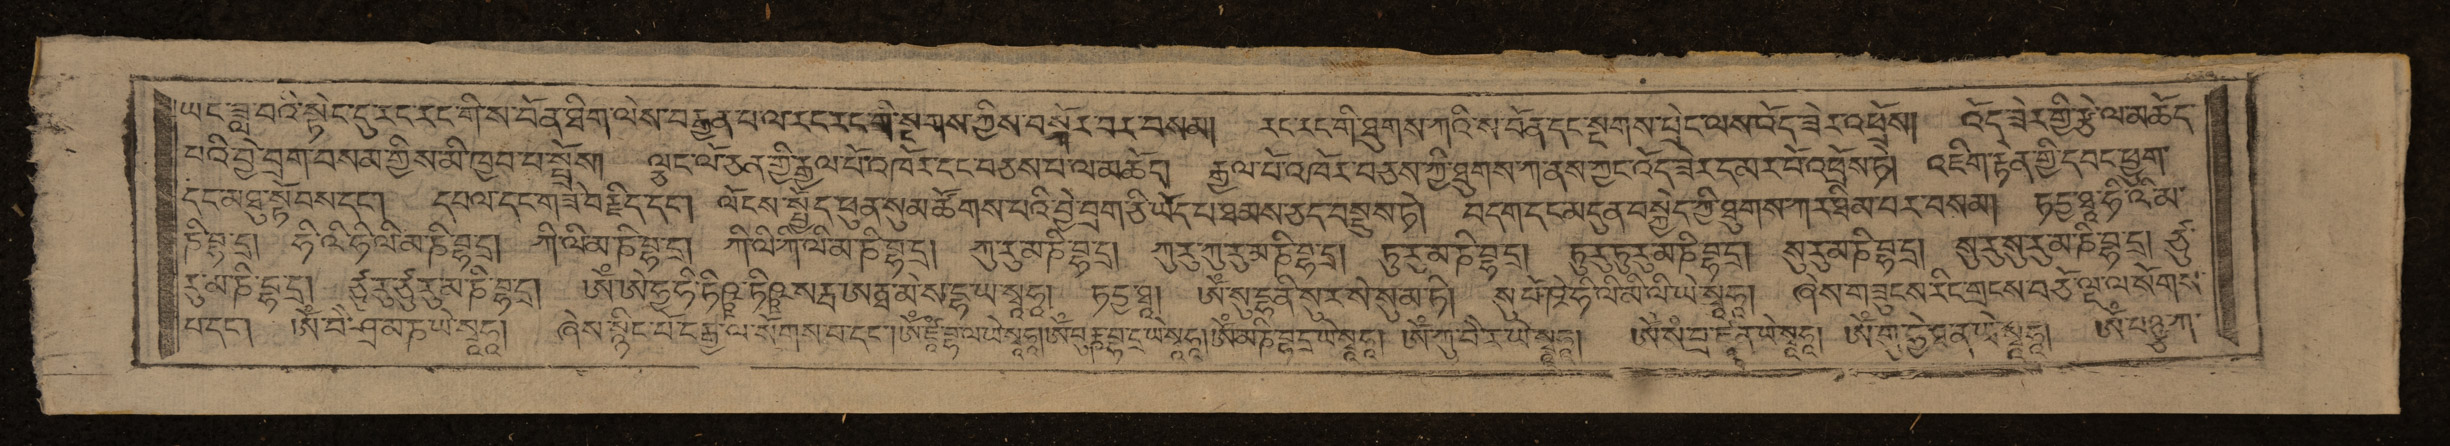ཡང་ཟླ་བའི་སྟེང་དུ་རང་རང་གི་ས་བོན་ཐིག་ལེས་བརྒྱན་པ་ལ་རང་རང་གི་སྔགས་ཀྱིས་བསྐོར་བར་བསམ། རང་རང་གི་ཐུགས་ཀའི་ས་བོན་དང་སྔགས་ཕྲེང་ལས་འོད་ཟེར་འཕྲོས། འོད་ཟེར་གྱི་རྩེ་ལ་མཆོད་
པའི་བྱེ་བྲག་བསམ་གྱིས་མི་ཁྱབ་པ་སྤྲོས། ལྕང་ལོ་ཅན་གྱི་རྒྱལ་པོ་འཁོར་དང་བཅས་པ་ལ་མཆོད། རྒྱལ་པོ་འཁོར་བཅས་ཀྱི་ཐུགས་ཀ་ནས་ཀྱང་འོད་ཟེར་དམར་པོ་འཕྲོས་ཏེ། འཇིག་རྟེན་གྱི་དབང་ཕྱུག་
དང་མཐུ་སྟོབས་དང་། དཔལ་དང་གཟི་བརྗིད་དང་། ལོངས་སྤྱོད་ཕུན་སུམ་ཚོགས་པའི་བྱེ་བྲག་ཅི་ཡོད་པ་ཐམས་ཅད་བསྡུས་ཏེ། བདག་དང་མདུན་བསྐྱེད་ཀྱི་ཐུགས་ཀར་ཐིམ་པར་བསམ། ཏདྱ་ཐཱ་ཧི་ལི་མ་
ཎི་བྷ་དྲ། ཧི་ལི་ཧི་ལི་མ་ཎི་བྷ་དྲ། ཀི་ལི་མ་ཎི་བྷ་དྲ། ཀི་ལི་ཀི་ལི་མ་ཎི་བྷ་དྲ། ཀུ་རུ་མ་ཎི་བྷ་དྲ། ཀུ་རུ་ཀུ་རུ་མ་ཎི་བྷ་དྲ། ཏུ་རུ་མ་ཎི་བྷ་དྲ། ཏུ་རུ་ཏུ་རུ་མ་ཎི་བྷ་དྲ། སུ་རུ་མ་ཎི་བྷ་དྲ། སུ་རུ་སུ་རུ་མ་ཎི་བྷ་དྲ། ཙུ་
རུ་མ་ཎི་བྷ་དྲ། ཙུ་རུ་ཙུ་རུ་མ་ཎི་བྷ་དྲ། ཨོཾ་ཨེ་ཧྱ་ཧི་ཏིཥཊཿཨ་ཏིཥཊཿཨ་སརྦ་ཨ་ཐ་མེ་ས་དྷ་ཡ་སྭཱཧཱ། ཏདྱ་ཐཱ། ཨོཾ་སུ་དྷ་ནི་སུ་ར་སེ་སུ་མ་ཏི། སུ་པོ་ཥེ་ཧི་ལི་མི་ལི་ཡེ་སྭཱཧཱ། ཞེས་གཟུངས་རིང་གྲངས་བཅོ་ལྔ་ལ་སོགས་
པ་དང་། ཨོཾ་བཻ་ཤྲ་མ་ཎ་ཡེ་སྭཱཧཱ། ཞེས་སྙིང་པོ་བརྒྱ་ལ་སོགས་པ་དང་། ཨོཾ་ཛཱི་བྷ་ལ་ཡེ་སྭཱཧཱ། ཨོཾ་པུརྞ་བྷ་དྲ་ཡེ་སྭཱཧཱ། ཨོཾ་མ་ཎི་བྷ་དྲ་ཡེ་སྭཱཧཱ། ཨོཾ་ཀུ་བཻ་ར་ཡེ་སྭཱཧཱ། ཨོཾ་སཾ་པྲ་ཛྙཱ་ན་ཡེ་སྭཱཧཱ། ཨོཾ་གུ་ཧྱེ་ཐ་ན་ཡེ་སྭཱཧཱ། ཨོཾ་པཉྩ་ཀ་